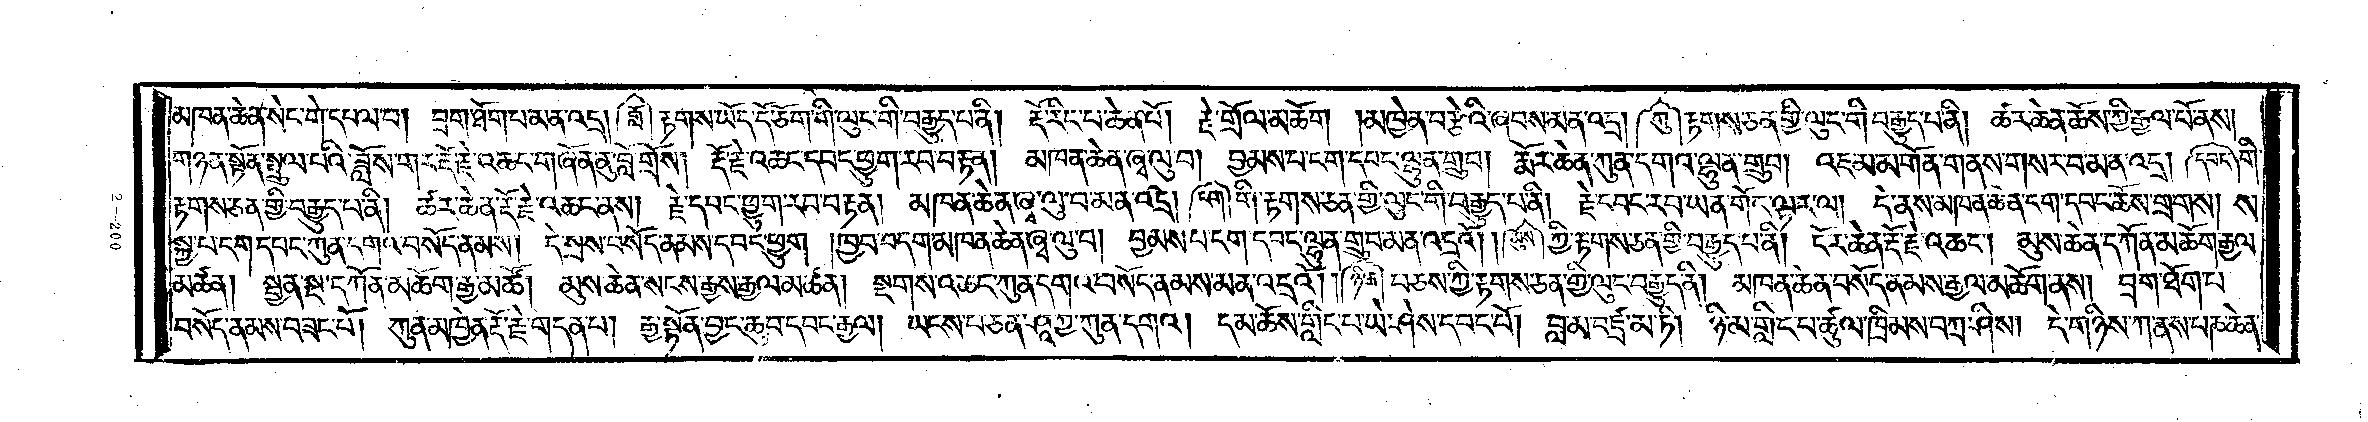མཁན་ཆེན་སེང་གེ་དཔལ་བ། བྲག་ཐོག་པ་མན་འདྲ། ༼གློ༽ རྟགས་ཡོད་དོ་ཅོག་གི་ལུང་གི་བརྒྱུད་པ་ནི། རྡོ་རིང་པ་ཆེན་པོ། རྗེ་གྲོལ་མཆོག །མཁྱེན་བརྩེའི་ཞབས་མན་འདྲ། ༼ཀུ༽ རྟགས་ཅན་གྱི་ལུང་གི་བརྒྱུད་པ་ནི། ཚར་ཆེན་ཆོས་ཀྱི་རྒྱལ་པོ་ནས།
གཉན་སྟོན་སྤྲུལ་པའི་ཟློས་གར་རྡོ་རྗེ་འཆང་གཞོན་ནུ་བློ་གྲོས། རྡོ་རྗེ་འཆང་དབང་ཕྱུག་རབ་བརྟན། མཁན་ཆེན་ཞྭ་ལུ་བ། བྱམས་པ་ངག་དབང་ལྷུན་གྲུབ། རྨོར་ཆེན་ཀུན་དགའ་ལྷུན་གྲུབ། འཇམ་མགོན་གནས་གསར་བ་མན་འདྲ། ༼དབང༽ གི་
རྟགས་ཅན་གྱི་བརྒྱུད་པ་ནི། ཚར་ཆེན་རྡོ་རྗེ་འཆང་ནས། རྗེ་དབང་ཕྱུག་རབ་བརྟན། མཁན་ཆེན་ཞྭ་ལུ་བ་མན་འདྲ། ༼ངག༽ གི་རྟགས་ཅན་གྱི་ལུང་གི་བརྒྱུད་པ་ནི། རྗེ་དབང་རབ་ཡན་གོང་ལྟར་ལ། དེ་ནས་མཁན་ཆེན་ངག་དབང་ཆོས་གྲགས། ས་
སྐྱ་པ་ངག་དབང་ཀུན་དགའ་བསོད་ནམས། དེ་སྲས་བསོད་ནམས་དབང་ཕྱུག །ཁྱབ་བདག་མཁན་ཆེན་ཞྭ་ལུ་བ། བྱམས་པ་ངག་དབང་ལྷུན་གྲུབ་མན་འདྲའོ། །༼མུས༽ ཀྱི་རྟགས་ཅན་གྱི་བརྒྱུད་པ་ནི། ངོར་ཆེན་རྡོ་རྗེ་འཆང་། མུས་ཆེན་དཀོན་མཆོག་རྒྱལ་
མཚན། སྦྱན་སྔ་དཀོན་མཆོག་རྒྱ་མཚོ། མུས་ཆེན་སངས་རྒྱས་རྒྱལ་མཚན། སྔགས་འཆང་ཀུན་དགའ་བསོད་ནམས་མན་འདྲའོ། །༼ཉི་ཆ༽ བཅས་ཀྱི་རྟགས་ཅན་གྱི་ལུང་བརྒྱུད་ནི། མཁན་ཆེན་བསོད་ནམས་རྒྱལ་མཆོག་ནས། བྲག་ཐོག་པ་
བསོད་ནམས་བཟང་པོ། ཀུན་མཁྱེན་རྡོ་རྗེ་གདན་པ། རྒྱ་སྟོན་བྱང་ཆུབ་དབང་རྒྱལ། ཡངས་པ་ཅན་ཤཱཀྱ་ཀུན་དགའ། དམ་ཆོས་གླིང་པ་ཡེ་ཤེས་དབང་པོ། བླ་མ་བཛྲ་མ་ཏི། ཉི་མ་གླིང་པ་ཚུལ་ཁྲིམས་བཀྲ་ཤིས། དེ་གཉིས་ཀ་ནས་པཎ་ཆེན་